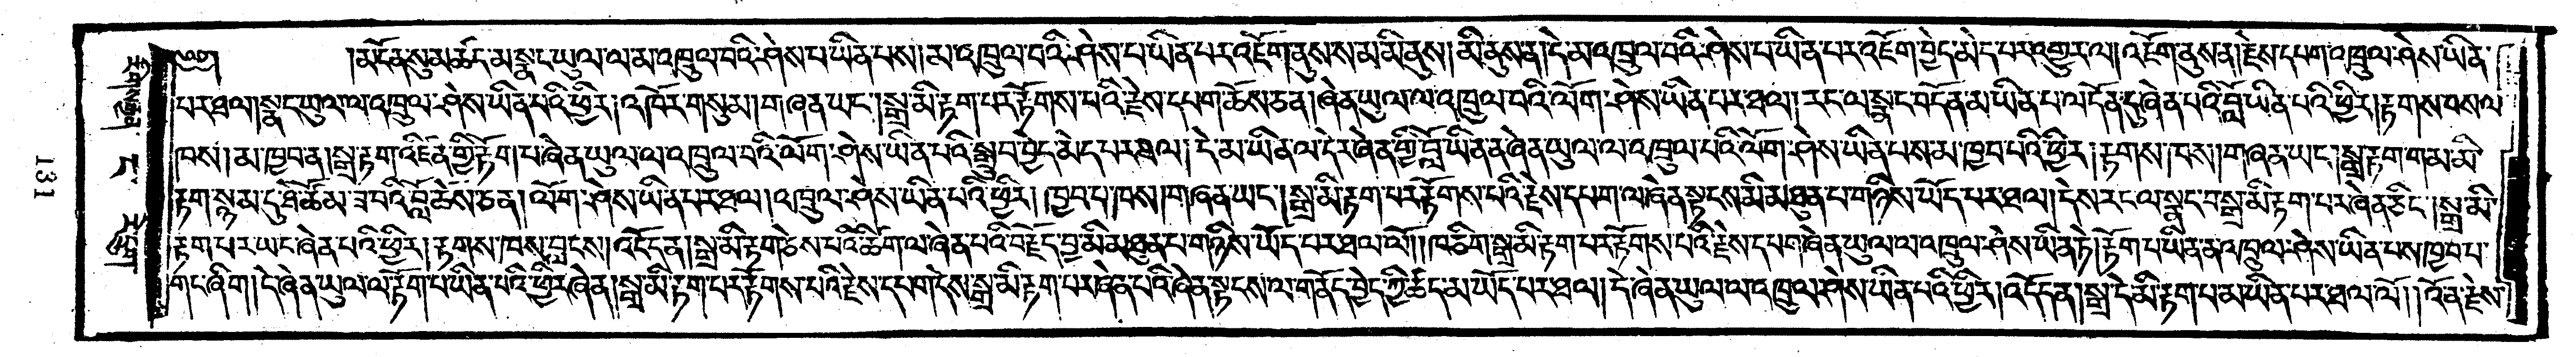༄༅། །མངོན་སུམ་ཚད་མ་སྣང་ཡུལ་ལ་མ་འཁྲུལ་བའི་ཤེས་པ་ཡིན་པས། མ་འཁྲུལ་བའི་ཤེས་པ་ཡིན་པར་འཇོག་ནུས་སམ་མི་ནུས། མི་ནུས་ན། དེ་མ་འཁྲུལ་བའི་ཤེས་པ་ཡིན་པར་འཇོག་བྱེད་མེད་པར་འགྱུར་ལ། འཇོག་ནུས་ན། རྗེས་དཔག་འཁྲུལ་ཤེས་ཡིན་
པར་ཐལ། སྣང་ཡུལ་ལ་འཁྲུལ་ཤེས་ཡིན་པའི་ཕྱིར། འཁོར་གསུམ། གཞན་ཡང་། སྒྲ་མི་རྟག་པར་རྟོགས་པའི་རྗེས་དཔག་ཆོས་ཅན། ཞེན་ཡུལ་ལ་འཁྲུལ་བའི་ལོག་ཤེས་ཡིན་པར་ཐལ། རང་ལ་སྣང་བ་དོན་མ་ཡིན་པ་ལ་དོན་དུ་ཞེན་པའི་བློ་ཡིན་པའི་ཕྱིར། རྟགས་བསལ་
ཁས། མ་ཁྱབ་ན། སྒྲ་རྟག་འཛིན་གྱི་རྟོག་པ་ཞེན་ཡུལ་ལ་འཁྲུལ་བའི་ལོག་ཤེས་ཡིན་པའི་སྒྲུབ་བྱེད་མེད་པར་ཐལ། དེ་མ་ཡིན་ལ་དེར་ཞེན་གྱི་བློ་ཡིན་ན་ཞེན་ཡུལ་ལ་འཁྲུལ་བའི་ལོག་ཤེས་ཡིན་པས་མ་ཁྱབ་པའི་ཕྱིར། རྟགས་ཁས། གཞན་ཡང་། སྒྲ་རྟག་གམ་མི་
རྟག་སྙམ་དུ་ཐེ་ཚོམ་ཟ་བའི་བློ་ཆོས་ཅན། ལོག་ཤེས་ཡིན་པར་ཐལ། འཁྲུལ་ཤེས་ཡིན་པའི་ཕྱིར། ཁྱབ་པ་ཁས། གཞན་ཡང་། སྒྲ་མི་རྟག་པར་རྟོགས་པའི་རྗེས་དཔག་ལ་ཞེན་སྟངས་མི་མཐུན་པ་གཉིས་ཡོད་པར་ཐལ། དེས་རང་ལ་སྣང་བ་སྒྲ་མི་རྟག་པར་ཞེན་ཅིང་། སྒྲ་མི་
རྟག་པར་ཡང་ཞེན་པའི་ཕྱིར། རྟགས་ཁས་བླངས། འདོད་ན། སྒྲ་མི་རྟག་ཅེས་པའི་ཚིག་ལ་ཞེན་པའི་བརྗོད་བྱ་མི་མཐུན་པ་གཉིས་ཡོད་པར་ཐལ་ལོ། །ཁ་ཅིག་སྒྲ་མི་རྟག་པར་རྟོགས་པའི་རྗེས་དཔག་ཞེན་ཡུལ་ལ་འཁྲུལ་ཤེས་ཡིན་ཏེ། རྟོག་པ་ཡིན་ན་འཁྲུལ་ཤེས་ཡིན་པས་ཁྱབ་པ་
གང་ཞིག །དེ་ཞེན་ཡུལ་ལ་རྟོག་པ་ཡིན་པའི་ཕྱིར་ཞེ་ན། སྒྲ་མི་རྟག་པར་རྟོགས་པའི་རྗེས་དཔག་དེས་སྒྲ་མི་རྟག་པར་ཞེན་པའི་ཞེན་སྟངས་ལ་གནོད་བྱེད་ཀྱི་ཚད་མ་ཡོད་པར་ཐལ། དེ་ཞེན་ཡུལ་ལ་འཁྲུལ་ཤེས་ཡིན་པའི་ཕྱིར། འདོད་ན། སྒྲ་དེ་མི་རྟག་པ་མ་ཡིན་པར་ཐལ་ལོ། །འོ་ན་རྗེས་